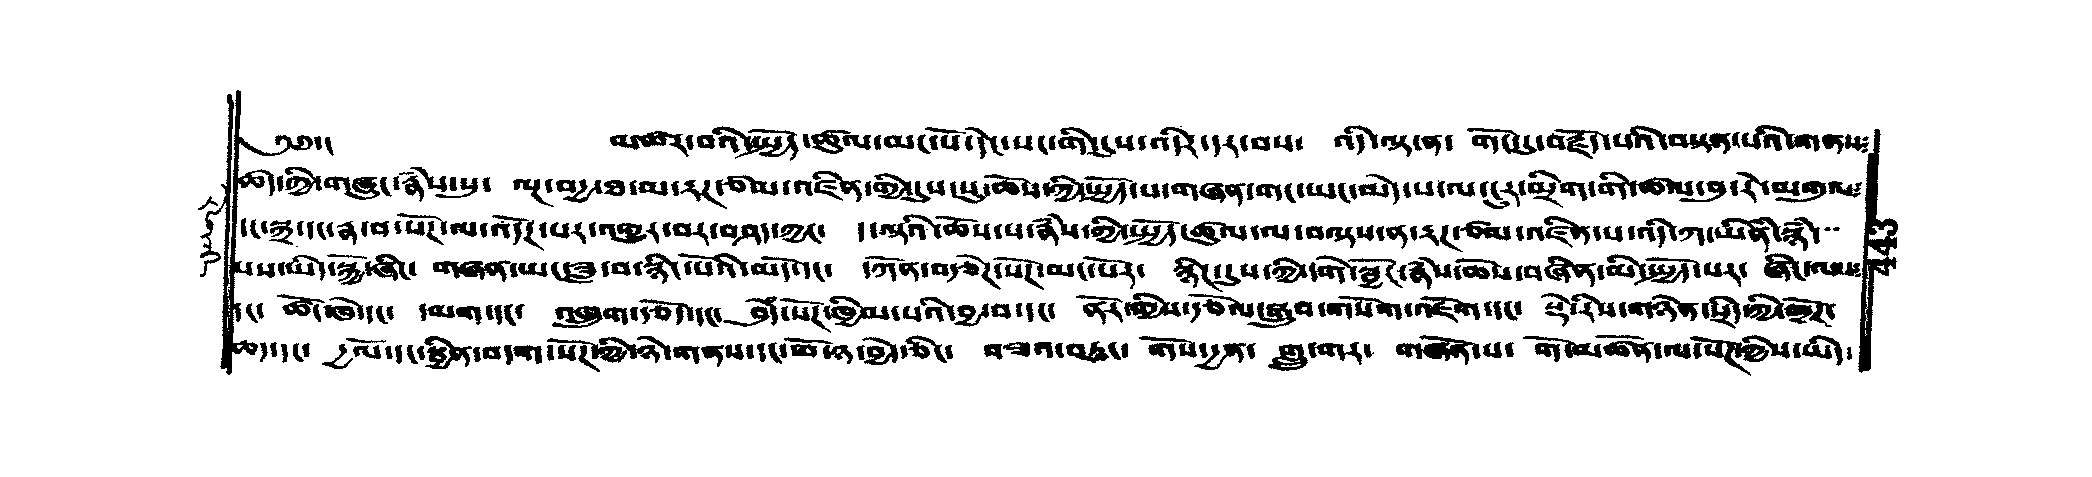མཚར་བའི་སྤྱོད་ཚུལ་མང་པོ་དེང་སང་གི་དུས་འདིར་དར་བས། འདི་ལྟ་ན། གོང་དུ་བརྗོད་པའི་བསྟན་པའི་གནས་
ཚད་ཀྱི་གཞུང་རྣམས་སུ། ལྔ་བརྒྱ་ཐ་མ་རྟགས་ཙམ་འཛིན་གྱི་དུས་སུ་ཆོས་ཀྱི་སྤྱོད་པ་གཞན་གང་ཡང་མེད་པ་ལ་ངུར་སྨྲིག་གི་ཚལ་བུ་རེ་མགུལ་
དང་སྐྲ་དང་རྣ་བ་སོགས་ལ་འདོགས་པར་འགྱུར་བར་བཤད་ཀྱང་། ད་ལྟའི་ཆོས་པ་རྣམས་ཀྱི་སྤྱོད་ཚུལ་ལ་བལྟས་ན་རྟགས་ཙམ་འཛིན་པ་འདི་ཀ་ཡིན་ནམ་སྙམ་
པས་ཡིད་སྐྱོ་ཞིང་། གཞན་ཡང་ཟླ་བ་སྙིང་པོའི་མདོ་དང་། དཀོན་བརྩེགས་སོགས་མང་པོར། སྙིགས་དུས་ཀྱི་དགེ་སྦྱོང་རྣམས་ཆོས་བཞིན་མི་སྤྱོད་པར། ཞིང་ལས་
དང་། ཚོང་ཁེ་དང་། དམག་དང་། འཁྲུག་རྩོད་དང་། བུད་མེད་སོགས་ཁྱིམ་པའི་བྱ་བ་དང་། ནོར་གྱིས་རྩོལ་སྒྲུབ་གསོག་འཇོག་དང་། སྡེ་རིས་གཉེན་སྲིད་ཀྱི་ཕྱོགས་
ཆད་དང་། གྱལ་པོ་དང་སྦྱིན་བདག་སོགས་ཀྱི་ཉེ་གནས་དང་ཕོ་ཉ་བྱེད་ཅིང་། བཟའ་བཏུང་། གོས་རྒྱན། གླུ་གར། གཞོན་པ། གོ་མཚོན་ལ་སོགས་ཀྱི་ཡིད་